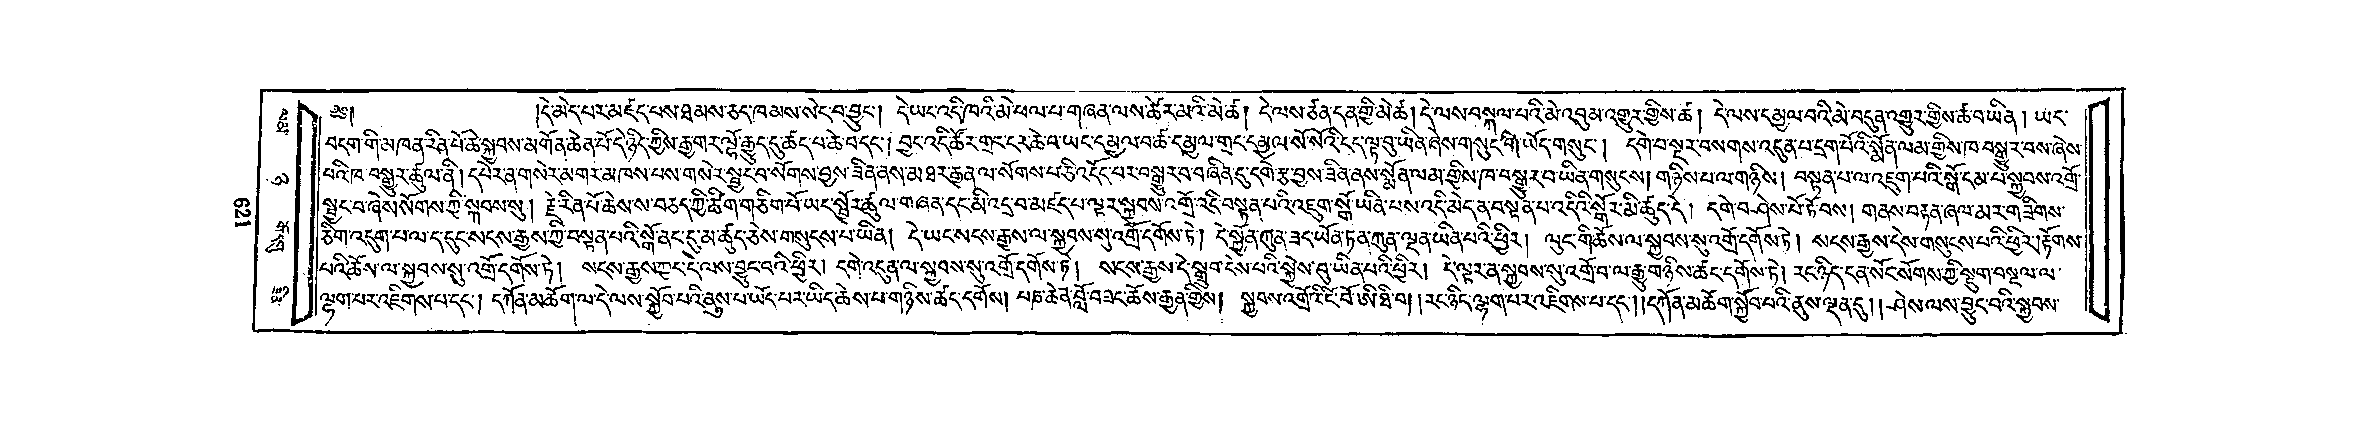༄༅། །དེ་མེད་པར་མཛད་པས་ཐམས་ཅད་ཁམས་སེང་བ་བྱུང་། དེ་ཡང་འདི་ཁའི་མེ་ཕལ་པ་གཞན་ལས་ཚེར་མའི་མེ་ཚ། དེ་ལས་ཙན་དན་གྱི་མེ་ཚ། དེ་ལས་བསྐལ་པའི་མེ་འབུམ་འགྱུར་གྱིས་ཚ། དེ་ལས་དམྱལ་བའི་མེ་བདུན་འགྱུར་གྱིས་ཚ་བ་ཡིན། ཡང་
བདག་གི་མཁན་རིན་པོ་ཆེ་སྐྱབས་མགོན་ཆེན་པོ་དེ་ཉིད་ཀྱིས་རྒྱ་གར་ལྷོ་རྒྱུད་དུ་ཚད་པ་ཆེ་བ་དང་། བྱང་འདི་ཚོར་གྲང་ངར་ཆེ་བ་ཡང་དམྱལ་བ་ཚ་དམྱལ་གྲང་དམྱལ་སོ་སོའི་དད་ལྟ་བུ་ཡིན་ཞེས་གསུང་གི་ཡོད་གསུང་། དགེ་བ་སྔར་བསགས་འདུན་པ་དྲག་པོའི་སྨོན་ལམ་གྱིས་ཁ་བསྒྱུར་བས་ཞེས་
པའི་ཁ་བསྒྱུར་ཚུལ་ནི། དཔེར་ན་གསེར་མགར་མཁས་པས་གསེར་སྦྱང་བ་སོགས་བྱས་ཟིན་ནས་མཐར་རྒྱན་ལ་སོགས་པ་ཅི་འདོད་པར་བསྒྱུར་བ་བཞིན་དུ་དགེ་རྩ་བྱས་ཟིན་ནས་སྨོན་ལམ་གྱིས་ཁ་བསྒྱུར་བ་ཡིན་གསུངས། གཉིས་པ་ལ་གཉིས། བསྟན་པ་ལ་འཇུག་པའི་སྒོ་དམ་པ་སྐྱབས་འགྲོ་
སྦྱང་བ་ཞེས་སོགས་ཀྱི་སྐབས་སུ། རྗེ་རིན་པོ་ཆེས་ས་བཅད་ཀྱི་ཚིག་གཅིག་པོ་ཡང་སྦྱོར་ཚུལ་གཞན་དང་མི་འདྲ་བ་མཛད་པ་ལྟར་སྐྱབས་འགྲོ་འདི་བསྟན་པའི་འཇུག་སྒོ་ཡིན་པས་འདི་མེད་ན་བསྟན་པ་འདིའི་སྒོར་མི་ཚུད་དེ། དགེ་བཤེས་པོ་ཏོ་བས། གནས་བརྟན་ཞལ་མར་གཟིགས་
ཅིག་འདུག་པ་ལ་ད་དུང་སངས་རྒྱས་ཀྱི་བསྟན་པའི་སྒོ་ནང་དུ་མ་ཚུད་ཅེས་གསུངས་པ་ཡིན། དེ་ཡང་སངས་རྒྱས་ལ་སྐྱབས་སུ་འགྲོ་དགོས་ཏེ། དེ་སྐྱོན་ཀུན་ཟད་ཡོན་ཏན་ཀུན་ལྡན་ཡིན་པའི་ཕྱིར། ལུང་གི་ཆོས་ལ་སྐྱབས་སུ་འགྲོ་དགོས་ཏེ། སངས་རྒྱས་དེས་གསུངས་པའི་ཕྱིར། རྟོགས་
པའི་ཆོས་ལ་སྐྱབས་སུ་འགྲོ་དགོས་ཏེ། སངས་རྒྱས་ཀྱང་དེ་ལས་བྱུང་བའི་ཕྱིར། དགེ་འདུན་ལ་སྐྱབས་སུ་འགྲོ་དགོས་ཏེ། སངས་རྒྱས་དེ་སྒྲུབ་ངེས་པའི་སྐྱེས་བུ་ཡིན་པའི་ཕྱིར། དེ་ལྟར་ན་སྐྱབས་སུ་འགྲོ་བ་ལ་རྒྱུ་གཉིས་ཚང་དགོས་ཏེ། རང་ཉིད་ངན་སོང་སོགས་ཀྱི་སྡུག་བསྔལ་ལ་
ལྷག་པར་འཇིགས་པ་དང་། དཀོན་མཆོག་ལ་དེ་ལས་སྐྱོབ་པའི་ནུས་པ་ཡོད་པར་ཡིད་ཆེས་པ་གཉིས་ཚད་དགོས། པཎ་ཆེན་བློ་བཟང་ཆོས་རྒྱན་གྱིས། སྐྱབས་འགྲོའི་ངོ་བོ་ཨི་ཐི་བ། །རང་ཉིད་ལྷག་པར་འཇིགས་པ་དང་། །དཀོན་མཆོག་སྐྱོབ་པའི་ནུས་ལྡན་དུ། །ཤེས་ལས་བྱུང་བའི་སྐྱབས་